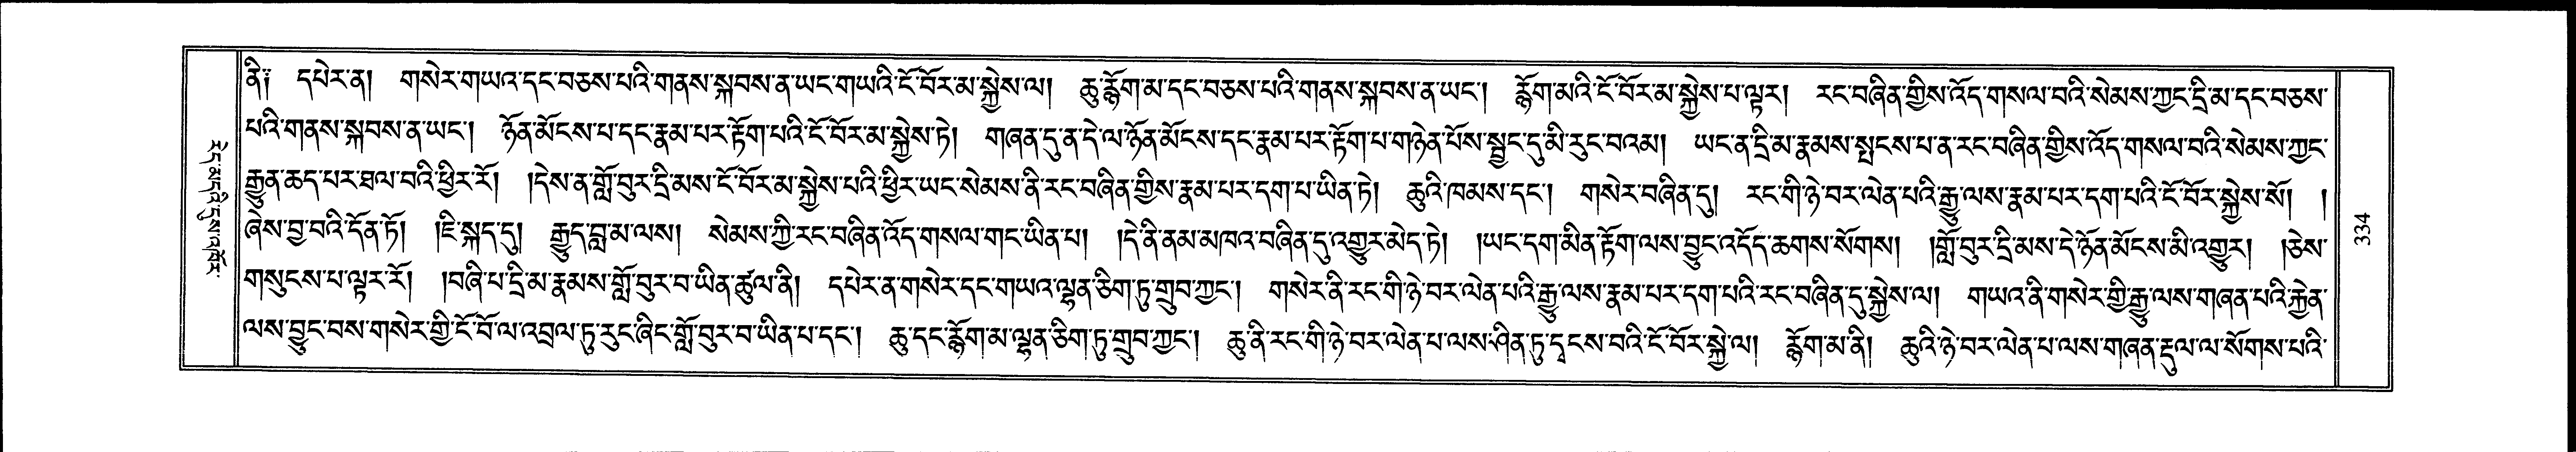ནི། དཔེར་ན། གསེར་གཡའ་དང་བཅས་པའི་གནས་སྐབས་ན་ཡང་གཡའི་ངོ་བོར་མ་སྐྱེས་ལ། ཆུ་རྙོག་མ་དང་བཅས་པའི་གནས་སྐབས་ན་ཡང་། རྙོག་མའི་ངོ་བོར་མ་སྐྱེས་པ་ལྟར། རང་བཞིན་གྱིས་འོད་གསལ་བའི་སེམས་ཀྱང་དྲི་མ་དང་བཅས་
པའི་གནས་སྐབས་ན་ཡང་། ཉོན་མོངས་པ་དང་རྣམ་པར་རྟོག་པའི་ངོ་བོར་མ་སྐྱེས་ཏེ། གཞན་དུ་ན་དེ་ལ་ཉོན་མོངས་དང་རྣམ་པར་རྟོག་པ་གཉེན་པོས་སྦྱང་དུ་མི་རུང་བའམ། ཡང་ན་དྲི་མ་རྣམས་སྤངས་པ་ན་རང་བཞིན་གྱིས་འོད་གསལ་བའི་སེམས་ཀྱང་
རྒྱུན་ཆད་པར་ཐལ་བའི་ཕྱིར་རོ། །དེས་ན་གློ་བུར་དྲི་མས་ངོ་བོར་མ་སྐྱེས་པའི་ཕྱིར་ཡང་སེམས་ནི་རང་བཞིན་གྱིས་རྣམ་པར་དག་པ་ཡིན་ཏེ། ཆུའི་ཁམས་དང་། གསེར་བཞིན་དུ། རང་གི་ཉེ་བར་ལེན་པའི་རྒྱུ་ལས་རྣམ་པར་དག་པའི་ངོ་བོར་སྐྱེས་སོ། །
ཞེས་བྱ་བའི་དོན་ཏོ། །ཇི་སྐད་དུ། རྒྱུད་བླ་མ་ལས། སེམས་ཀྱི་རང་བཞིན་འོད་གསལ་གང་ཡིན་པ། །དེ་ནི་ནམ་མཁའ་བཞིན་དུ་འགྱུར་མེད་ཏེ། །ཡང་དག་མིན་རྟོག་ལས་བྱུང་འདོད་ཆགས་སོགས། །གློ་བུར་དྲི་མས་དེ་ཉོན་མོངས་མི་འགྱུར། །ཅེས་
གསུངས་པ་ལྟར་རོ། །བཞི་པ་དྲི་མ་རྣམས་གློ་བུར་བ་ཡིན་ཚུལ་ནི། །དཔེར་ན་གསེར་དང་གཡའ་ལྷན་ཅིག་ཏུ་གྲུབ་ཀྱང་། གསེར་ནི་རང་གི་ཉེ་བར་ལེན་པའི་རྒྱུ་ལས་རྣམ་པར་དག་པའི་རང་བཞིན་དུ་སྐྱེས་ལ། གཡའ་ནི་གསེར་གྱི་རྒྱུ་ལས་གཞན་པའི་རྐྱེན་
ལས་བྱུང་བས་གསེར་གྱི་ངོ་བོ་ལ་འབྲལ་ཏུ་རུང་ཞིང་གློ་བུར་བ་ཡིན་པ་དང་། ཆུ་དང་རྙོག་མ་ལྷན་ཅིག་ཏུ་གྲུབ་ཀྱང་། ཆུ་ནི་རང་གི་ཉེ་བར་ལེན་པ་ལས་ཤིན་ཏུ་དྭངས་བའི་ངོ་བོར་སྐྱེ་ལ། རྙོག་མ་ནི། ཆུའི་ཉེ་བར་ལེན་པ་ལས་གཞན་རྡུལ་ལ་སོགས་པའི་